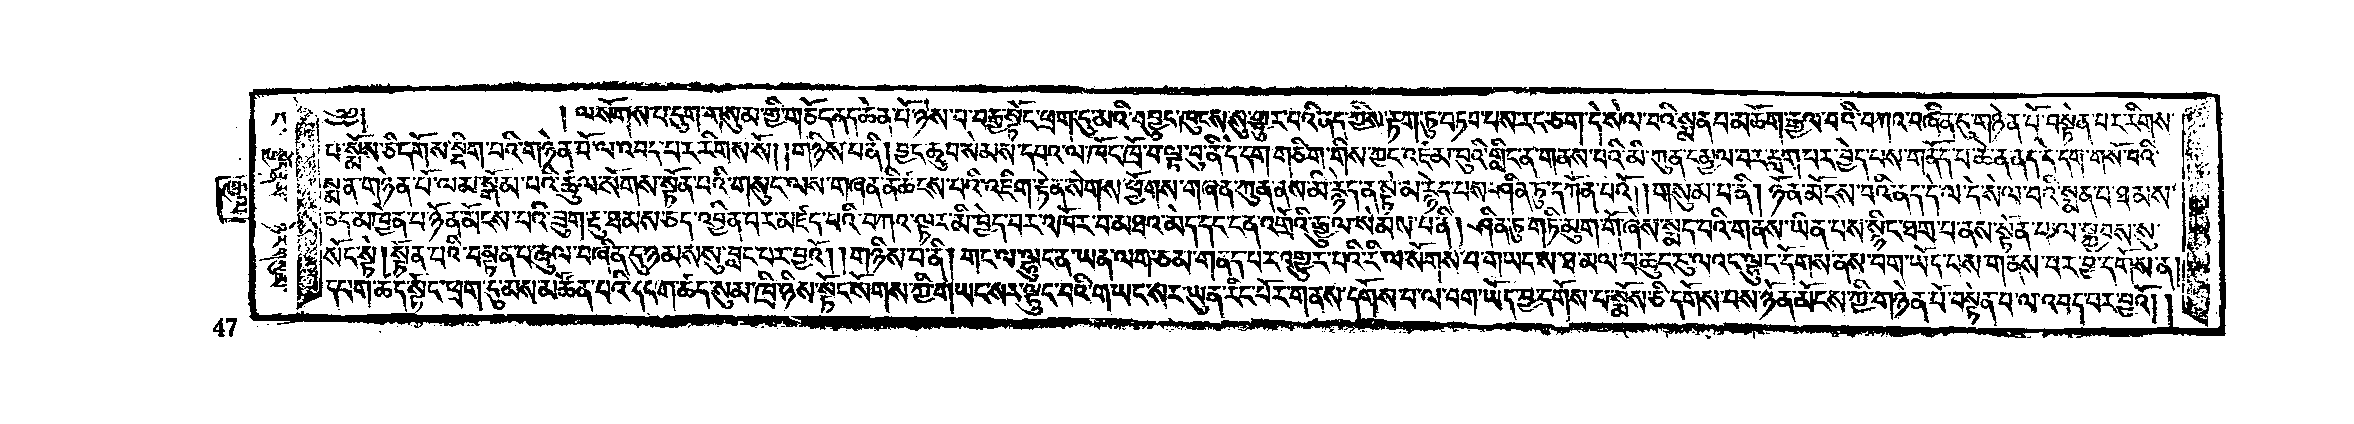༄༅། །ལ་སོགས་པ་དུག་གསུམ་གྱི་གཅོད་ནད་ཆེན་པོ་ཉེས་པ་བརྒྱ་སྟོང་ཕྲག་དུ་མའི་འབྱུང་ཁུངས་སུ་གྱུར་པའི་ནད་ཀྱིས་རྟག་ཏུ་བཏབ་པས་རང་ཅག་དེ་སེལ་བའི་སྨན་པ་མཆོག་རྒྱལ་བའི་བཀའ་བཞིན་དུ་གཉེན་པོ་བསྟེན་པར་རིགས་
པ་སྨོས་ཅི་དགོས་སྡིག་པའི་གཉེན་པོ་ལ་འབད་པར་རིགས་སོ། །གཉིས་པ་ནི། བྱང་ཆུབ་སེམས་དཔའ་ལ་ཁོང་ཁྲོ་བ་ལྟ་བུ་ནི་དེ་དག་གཅིག་གིས་ཀྱང་འཛམ་བུའི་གླིང་ན་གནས་པའི་མི་ཀུན་དམྱལ་བར་རླག་པར་བྱེད་པས་གནོད་པ་ཆེན་ནད་དེ་དག་གསོ་བའི་
སྨན་གཉེན་པོ་ལམ་སྒོམ་པའི་ཚུལ་སོགས་སྟོན་པའི་གསུང་ལས་གཞན་ནི་ཚངས་པའི་འཇིག་རྟེན་སེགས་ཕྱོགས་གཞན་ཀུན་ནས་མི་རྙེད་ན་སྟེ་མ་རྙེད་པས་ཤིན་ཏུ་དཀོན་པའོ། །གསུམ་པ་ནི། ཉོན་མོངས་པའི་ནད་དེ་ལ་དེ་སེལ་བའི་སྨན་པ་ཐམས་
ཅད་མཁྱེན་པ་ཉོན་མོངས་པའི་ཟུག་རྔུ་ཐམས་ཅད་འབྱིན་པར་མཛད་པའི་བཀའ་ལྟར་མི་བྱེད་པར་འཁོར་བ་མཐའ་མེད་དང་ངན་འགྲོའི་རྒྱུ་ལ་སེམས་པ་ནི། ཤིན་ཏུ་གཏི་མུག་གོ་ཞེས་སྨད་པའི་གནས་ཡིན་པས་སྙིང་ཐག་པ་ནས་སྟོན་པ་ལ་སྐྱབས་སུ་
སོང་སྟེ། སྟོན་པའི་བསྟན་པ་ཚུལ་བཞིན་དུ་ཉམས་སུ་བླང་བར་བྱའོ། །གཉིས་པ་ནི། གང་ལ་ལྷུང་ན་ཡན་ལག་ཙམ་གནད་པར་འགྱུར་བའི་རི་ལ་སོགས་པ་གཡང་ས་ཐ་མལ་བ་ཆུང་ངུ་ལའང་ལྷུང་དོགས་ནས་བག་ཡོད་པས་གནས་པར་བྱ་དགོས་ན་
དཔག་ཚད་སྟོང་ཕྲག་དུ་མས་མཚོན་པའི་དང་ག་ཚད་སུམ་ཁྲི་ཉིས་སྟོང་སོགས་ཀྱི་གཡང་སར་ལྷུང་བའི་གཡང་སར་ཡུན་རིང་པོར་གནས་དགོས་པ་ལ་བག་ཡོད་བྱ་དགོས་པ་སྨོས་ཅི་དགོས་པས་ཉོན་མོངས་ཀྱི་གཉེན་པོ་བསྟེན་པ་ལ་འབད་པར་བྱའོ། །